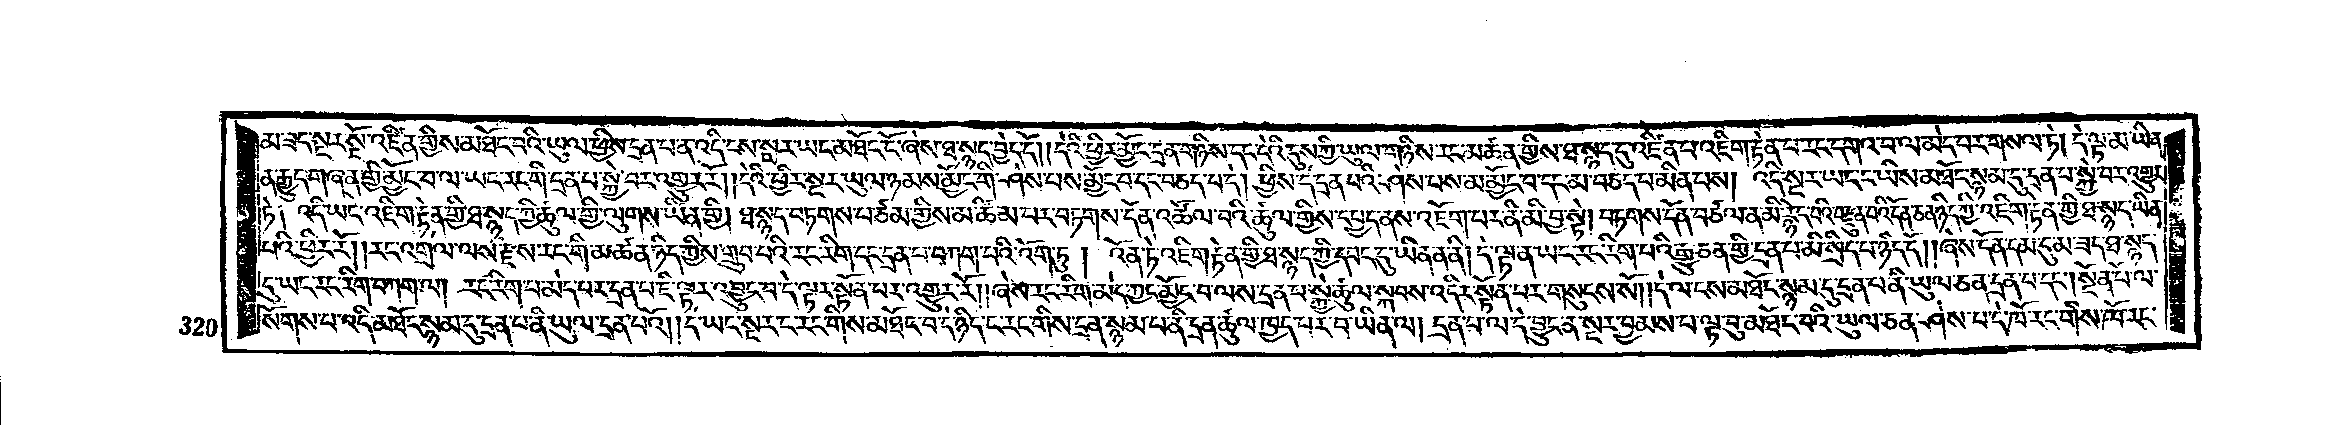མ་ཟད་སྔར་སྔོ་འཛིན་གྱིས་མཐོང་བའི་ཡུལ་ཕྱིས་དྲན་པ་ན་འདི་ངས་སྔར་ཡང་མཐོང་ངོ་ཞེས་ཐ་སྙད་བྱེད་དོ། །དེའི་ཕྱིར་མྱོང་དྲན་གཉིས་དང་དེའི་དུས་ཀྱི་ཡུལ་གཉིས་རང་མཚན་གྱིས་ཐ་སྙད་དུ་འཛིན་པ་འཇིག་རྟེན་པ་རང་དགའ་བ་ལ་མེད་པར་གསལ་ཏེ། དེ་ལྟ་མ་ཡིན་
ན་རྒྱུད་གཞན་གྱི་མྱོང་བ་ལ་ཡང་རང་གི་དྲན་པ་སྐྱེ་བར་འགྱུར་རོ། །དེའི་ཕྱིར་སྔར་ཡུལ་ཉམས་མྱོང་གི་ཤེས་པས་མྱོང་བ་དང་བཅད་པ་དེ། ཕྱིས་དེ་དྲན་པའི་ཤེས་པས་མ་མྱོང་བ་དང་མ་བཅད་པ་མིན་པས། འདི་སྔར་ཡང་ང་ཡིས་མཐོང་སྙམ་དུ་དྲན་པ་སྐྱེ་བར་འགྱུར་
ཏེ། འདི་ཡང་འཇིག་རྟེན་གྱི་ཐ་སྙད་ཀྱི་ཚུལ་གྱི་ལུགས་ཡིན་གྱི། ཐ་སྙད་བཏགས་པ་ཙམ་གྱིས་མ་ཚིམ་པར་བཏགས་དོན་འཚོལ་བའི་ཚུལ་གྱིས་དཔྱད་ནས་འཇོག་པར་ནི་མི་བྱ་སྟེ། བཏགས་དོན་བཙལ་ན་མི་རྙེད་བའི་བརྫུན་བའི་དོན་ཅན་ཉིད་ཀྱི་འཇིག་རྟེན་གྱི་ཐ་སྙད་ཡིན་
པའི་ཕྱིར་རོ། །རང་འགྲེལ་ལས་རྫས་རང་གི་མཚན་ཉིད་ཀྱིས་གྲུབ་པའི་རང་རིག་དང་དྲན་པ་བཀག་པའི་འོག་ཏུ། འོན་ཏེ་འཇིག་རྟེན་གྱི་ཐ་སྙད་ཀྱི་དབང་དུ་ཡིན་ན་ནི། དེ་ལྟ་ན་ཡང་རང་རིག་པའི་རྒྱུ་ཅན་གྱི་དྲན་པ་མི་སྲིད་པ་ཉིད་དོ། །ཞེས་དོན་དམ་དུ་མ་ཟད་ཐ་སྙད་
དུ་ཡང་རང་རིག་བཀག་ལ། རང་རིག་པ་མེད་པར་དྲན་པ་ཇི་ལྟར་འབྱུང་བ་དེ་ལྟར་སྟོན་པར་འགྱུར་རོ། །ཞེས་རང་རིག་མེད་ཀྱང་མྱོང་བ་ལས་དྲན་པ་སྐྱེ་ཚུལ་སྐབས་འདིར་སྟོན་པར་གསུངས་སོ། །དེ་ལ་ངས་མཐོང་སྙམ་དུ་དྲན་པ་ནི་ཡུལ་ཅན་དྲན་པ་དང་། སྔོན་པོ་ལ་
སོགས་པ་འདི་མཐོང་སྙམ་དུ་དྲན་པ་ནི་ཡུལ་དྲན་པའོ། །དེ་ཡང་སྔར་ང་རང་གིས་མཐོང་བ་དེ་ཉིད་ང་རང་གིས་དྲན་སྙམ་པ་ནི་དྲན་ཚུལ་ཁྱད་པར་བ་ཡིན་ལ། དྲན་པ་ལ་དེ་བྱུང་ན་སྔར་བྱམས་པ་ལྟ་བུ་མཐོང་བའི་ཡུལ་ཅན་ཤེས་པ་དེ་ཁོ་རང་གིས་ཁོ་རང་